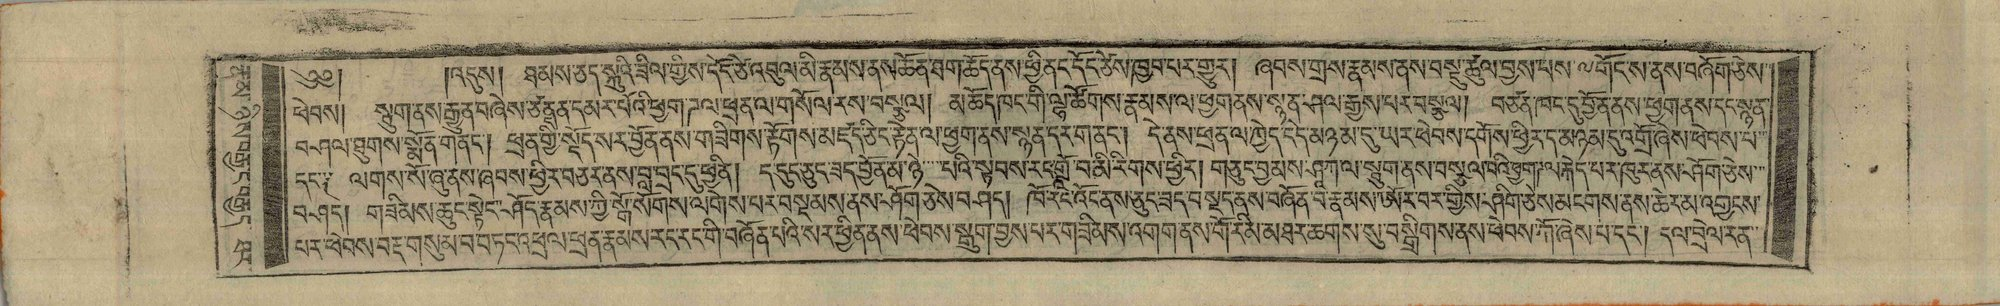༄༅། །འདུས། ཐམས་ཅད་སྐུའི་ཟིལ་གྱིས་དོང་ཙེ་འབུལ་མི་རྣམས་ནས་ཆོན་ཐག་ཆོད་ནས་ཕྱི་ནང་དོང་ཙེས་ཁྱབ་པར་གྱུར། ཞབས་གྲྭས་རྣམས་ནས་བསྡུ་ཚུལ་བྱས་པས་༧གོང་ས་ནས་བཞོག་ཅེས་
ཕེབས། སྦུག་ནས་རྒྱུན་བཞེས་ཙནྡན་དམར་པོའི་ཕྱག་ཌལ་ཕྲན་ལ་གསོལ་རས་བསྩལ། མཆོད་ཁང་གི་ལྷ་ཚོགས་རྣམས་ལ་ཕྱག་ནས་སྙན་ཤལ་རྒྱས་པར་བསྩལ། བཙན་ཁང་དུ་བྱོན་ནས་ཕྱག་ནས་དང་སྙན་
བཤལ་ཐུགས་སྨོན་གནང་། ཕྲན་གྱི་སྡོད་སར་བྱོན་ནས་གཟིགས་རྟོགས་མཛད་ཅིང་རྟེན་ལ་ཕྱག་ནས་སྙན་དར་གནང་། དེ་ནས་ཕྲན་ལ་ཁྱེད་ངེད་མཉམ་དུ་ཡར་ཕེབས་དགོས་ཕྱིར་ད་མཉམ་དུ་འགྲོ་ཞེས་ཕེབས་པ་
དང་། ལགས་སོ་ཞུ་ནས་ཞབས་ཕྱིར་བཅར་ནས་བླ་བྲང་དུ་ཕྱིན། ད་དུང་ཅུང་ཟད་བྱོན་མ་ཉེ་པའི་སྟབས་རང་འགྲོ་བ་མི་རིགས་ཕྱིར། གཅུང་བྱམས་ཤཱཀ་ལ་སྦུག་ནས་བསྩལ་བའི་ཕྱག་ཌལ་རྐེད་པར་ཁུར་ནས་ཤོག་ཅེས་
བཤད། གཟིམས་ཆུང་སྟེང་ཤོད་རྣམས་ཀྱི་སྒོ་སོགས་ལེགས་པར་བསྡམས་ནས་ཤོག་ཅེས་བཤད། ཁོ་རང་འོང་ནས་ཅུང་ཟད་བསྡད་ནས་བཞོན་པ་རྣམས་ཨོར་བར་གྱིས་ཤིག་ཅེས་མངགས་ནས་ཆེར་མ་འགྱངས་
པར་ཕེབས་བརྡ་གསུམ་པ་བཏང་འཕྲལ་ཕྲན་རྣམས་རང་རང་གི་བཞོན་པའི་སར་ཕྱིན་ནས་ཕེབས་སྒུག་བྱས་པར་གཟིམས་འགག་ནས་གོ་རིམ་མཐར་ཆགས་སུ་བསྒྲིགས་ནས་ཕེབས་ཀོ་ཞེས་པ་དང་། དལ་བྲེལ་རན་